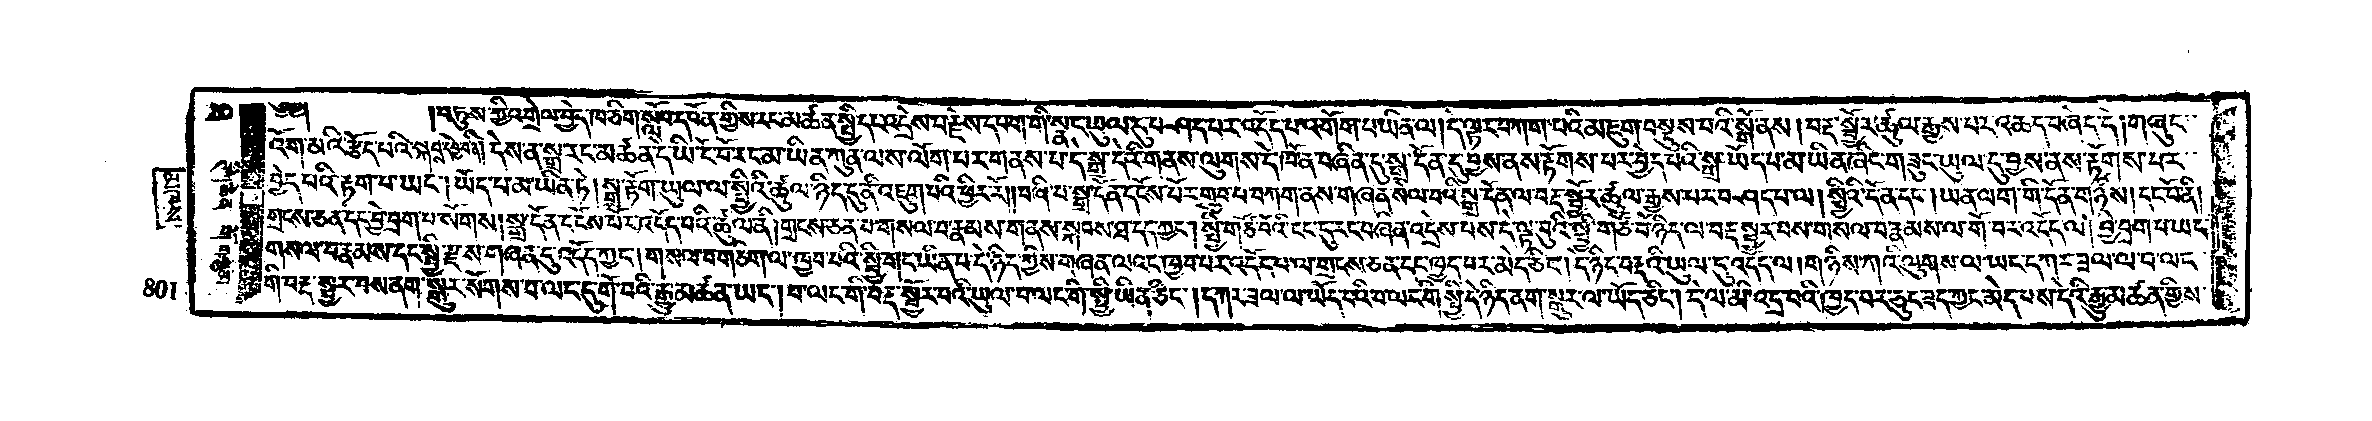༄༅། །བཏུས་ཀྱི་འགྲེལ་བྱེད་ཁ་ཅིག་སློབ་དཔོན་གྱིས་རང་མཚན་སྤྱི་དང་འདྲེས་པ་རྗེས་དཔག་གི་སྣང་ཡུལ་དུ་བཤད་པར་འདོད་པ་འགོག་པ་ཡིན་ལ། དེ་ལྟར་བཀག་པའི་མཇུག་བསྡུས་པའི་སྒོ་ནས། བརྡ་སྦྱོར་ཚུལ་རྒྱས་པར་འཆད་བཞེད་དེ། གཞུང་
འོག་མའི་རྩོད་པའི་སྐབས་དབྱེ་བ་ནི། དེས་ན་སྒྲ་རང་མཚན་དེ་ཡི་ངོ་བོ་རང་མ་ཡིན་ཀུན་ལས་ལོག་པར་གནས་པ་དེ་སྒྲ་དེའི་གནས་ལུགས་དེ་ཁོ་ན་བཞིན་དུ་སྒྲ་དོན་དུ་བྱས་ནས་རྟོགས་པར་བྱེད་པའི་སྒྲ་ཡོད་པ་མ་ཡིན་ཞིང་གཟུང་ཡུལ་དུ་བྱས་ནས་རྟོགས་པར་
བྱེད་པའི་རྟག་པ་ཡང་། ཡོད་པ་མ་ཡིན་ཏེ། སྒྲ་རྟོག་ཡུལ་ལ་སྤྱིའི་ཚུལ་ཉིད་དུ་ནི་འཇུག་པའི་ཕྱིར་རོ། །བཞི་པ་སྒྲ་དོན་དངོས་པོར་གྲུབ་པ་བཀག་ནས་གཞན་སེལ་བའི་སྒྲ་དོན་ལ་བརྡ་སྦྱོར་ཚུལ་རྒྱས་པར་བཤད་པ་ལ། སྤྱིའི་དོན་དང་། ཡན་ལག་གི་དོན་གཉིས། དང་པོ་ནི།
གྲངས་ཅན་དང་བྱེ་བྲག་པ་སོགས། སྒྲ་དོན་དངོས་པོར་འདོད་པའི་ཚུལ་ནི། གྲངས་ཅན་པ་གསལ་བ་རྣམས་གནས་སྐབས་ཐ་དད་ཀྱང་། སྤྱི་གཙོ་བོའི་ངང་དུ་རང་བཞིན་འདྲེས་པས་དེ་ལྟ་བུའི་སྤྱི་གཙོ་བོ་ཉིད་ལ་བརྡ་སྦྱར་བས་གསལ་བ་རྣམས་ལ་གོ་བར་འདོད་ལ། བྱེ་བྲག་པ་ཡང་
གསལ་བ་རྣམས་དང་སྤྱི་རྫས་གཞན་དུ་འདོད་ཀྱང་། གསལ་བ་གཅིག་ལ་ཁྱབ་པའི་སྤྱི་གང་ཡིན་པ་དེ་ཉིད་ཀྱིས་གཞན་ལའང་ཁྱབ་པར་འདོད་པ་ལ་གྲངས་ཅན་དང་ཁྱད་པར་མེད་ཅིང་། དེ་ཉིད་བརྡའི་ཡུལ་དུ་འདོད་པ་ལ། གཉིས་ཀའི་ལུགས་ལ་ཡང་དཀར་ཟལ་ལ་བ་ལང་
གི་བརྡ་སྦྱར་བས་ནག་སྒུར་སོགས་བ་ལང་དུ་གོ་བའི་རྒྱུ་མཚན་ཡང་། བ་ལང་གི་བརྡ་སྦྱོར་བའི་ཡུལ་བ་ལང་གི་སྤྱི་ཡིན་ཅིང་། དཀར་ཟལ་ལ་ཡོད་པའི་བ་ལང་གི་སྤྱི་དེ་ཉིད་ནག་སྒུར་ལ་ཡོད་ཅིང་། དེ་ལ་མི་འདྲ་བའི་ཁྱད་པར་ཅུང་ཟད་ཀྱང་མེད་པས་དེའི་རྒྱུ་མཚན་གྱིས་